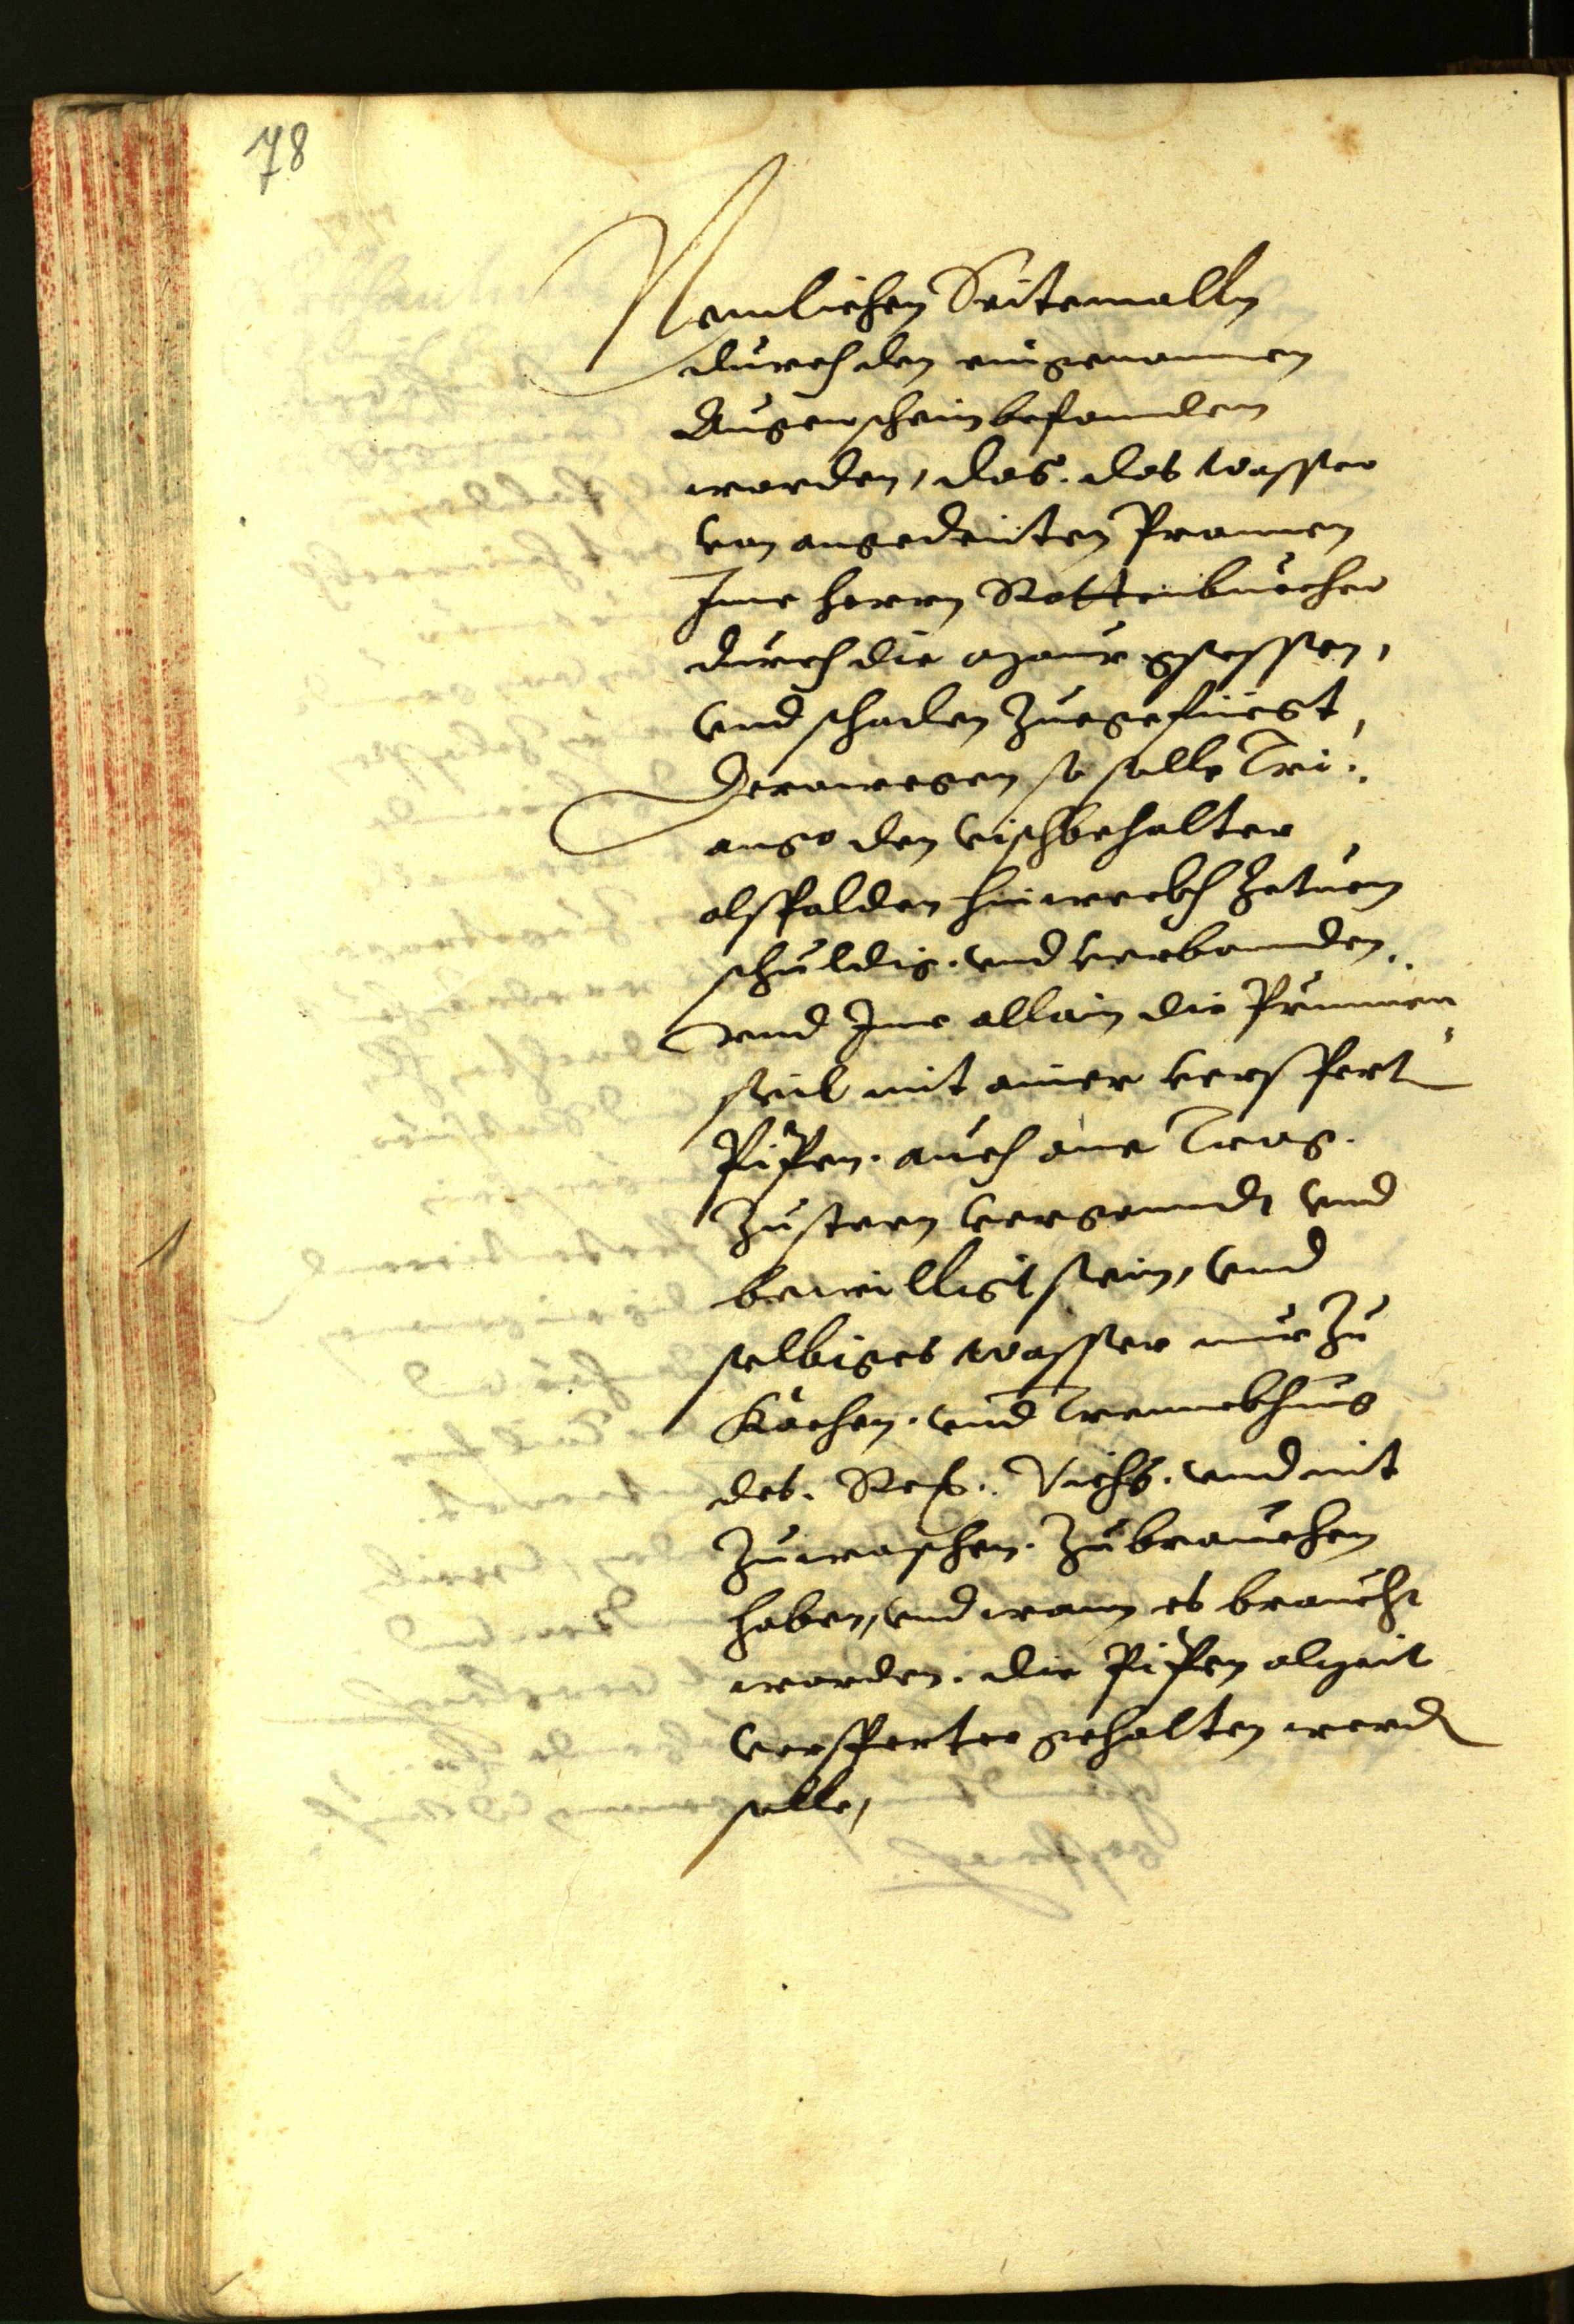78
Nemlichen Seitenmalln
dūrch den eingenommen
Aūgenschein befonnden
worden, das. das Wasser
von angedeüten Pronnen
Ime herrn Rottenbūecher
dūrch die Maūr gsessen,
vnd schaden Zūegefüegt,
Derowegen so solle Tri¬
ango den vischbehalter
alspalden hinweckh Zetūen
schūldig. vnd verbonnden¬
vnd Ime allain die Prūnnen
sovil mit ainer versPert
PiPen. aūch one Trog.
Zūsteen vergonndt vnd
bewilligt sein, vnd
selbiges Wasser nūr Zū
Kochen. vnd Trennckhūng
des Re Viehs. vnd nit
Zū waschen. Zū braūchen
haben, vnd wann es braūcht
worden. die PiPen alzeit
versPerter gehalten werd
solle,